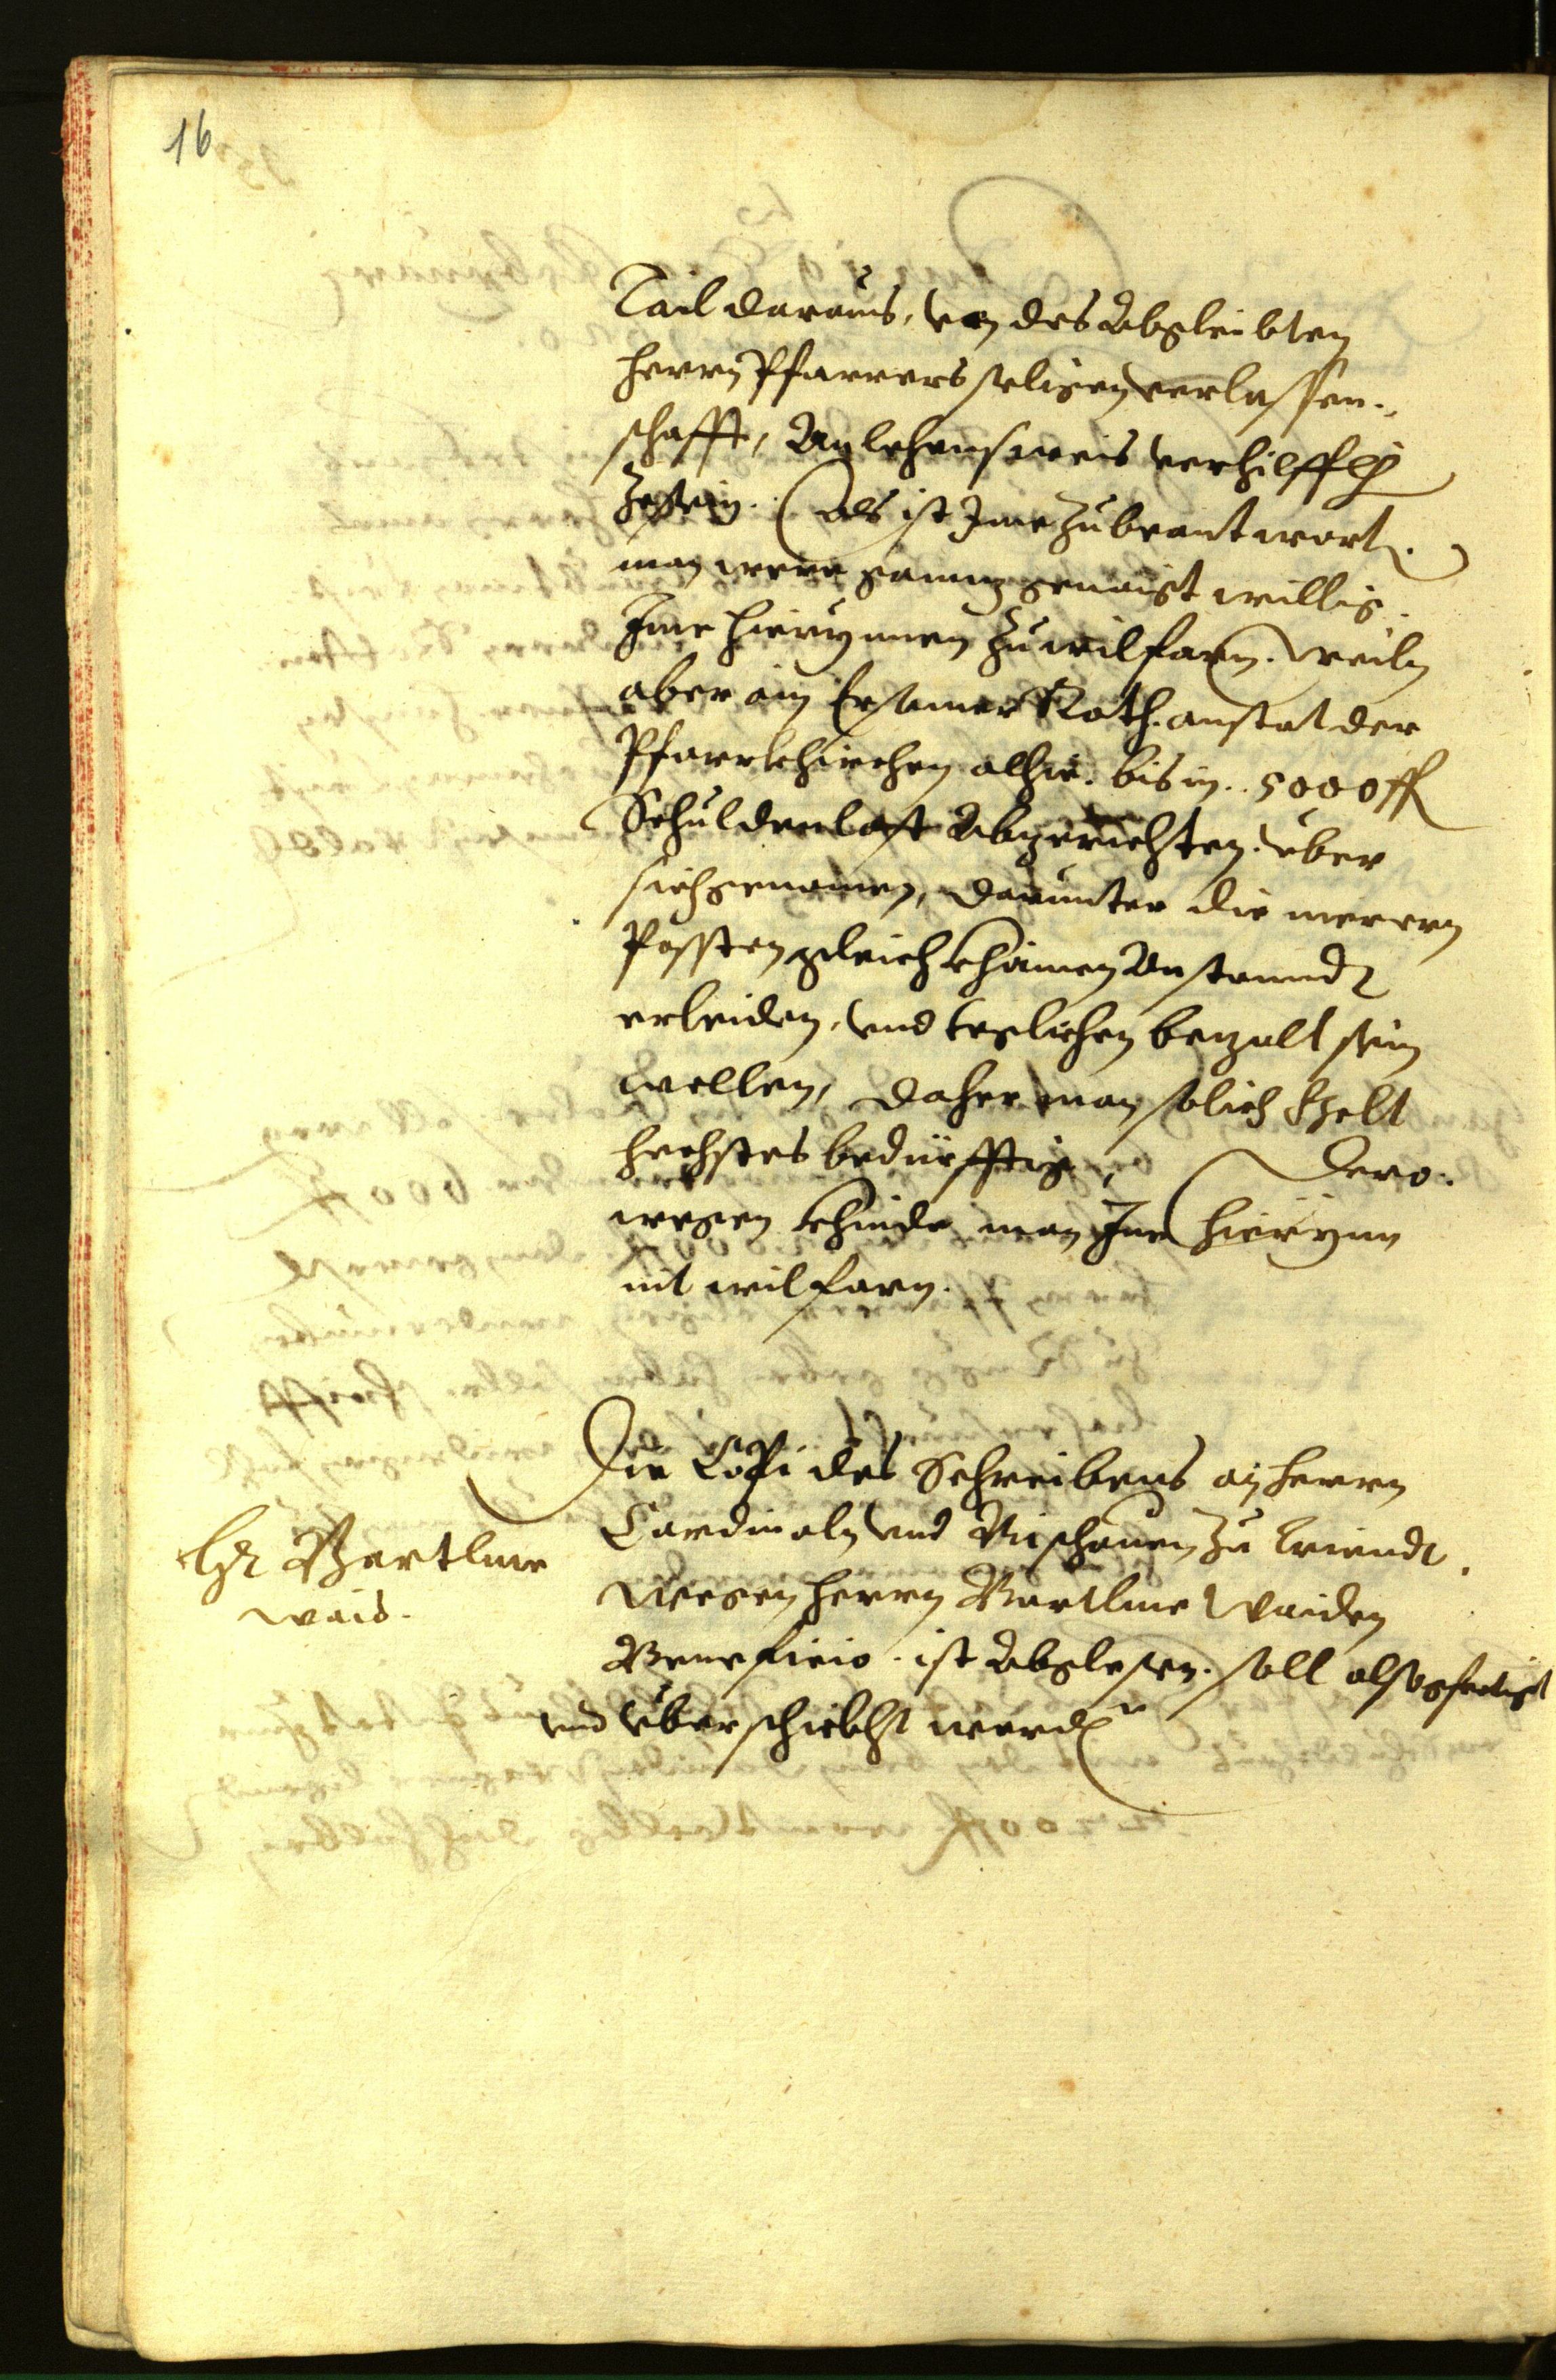16
Tail daraūs. von des Abgleibten
herrn Pfarrers seligen verlassen¬
schafft, Anlehensweis verhilfflich
Ze sein. Als ist Ime Zū beantwort.
man were gannz genaigt willig
Ime hierȳnnen Zū wilfarn. Weiln
aber ain Ersamer Rath. anstat der
Pfarrkhirchen alhie. bis in: 5000 fl.
Schūldenlast Abzerichten. v̄ber
sich genomen, darūnter die merern
Possten gleich khainen Anstanndt
erleiden. vnd teglichen bezalt sein
wellen, daher man solich Gelt
hechstes bedürfftig, Dero¬
wegen khinde man Ine hierÿnn
nit wilfarn.
Die CoPi des Schreibens an herrn
Cardinaln vnd Bischoūen Zū Triendt.
Wegen herrn Bartlme Waiden
Beneficio. ist abglesen. soll also gfertigt
vnd v̄ber schickht werd.
H Bartlme
Waid.